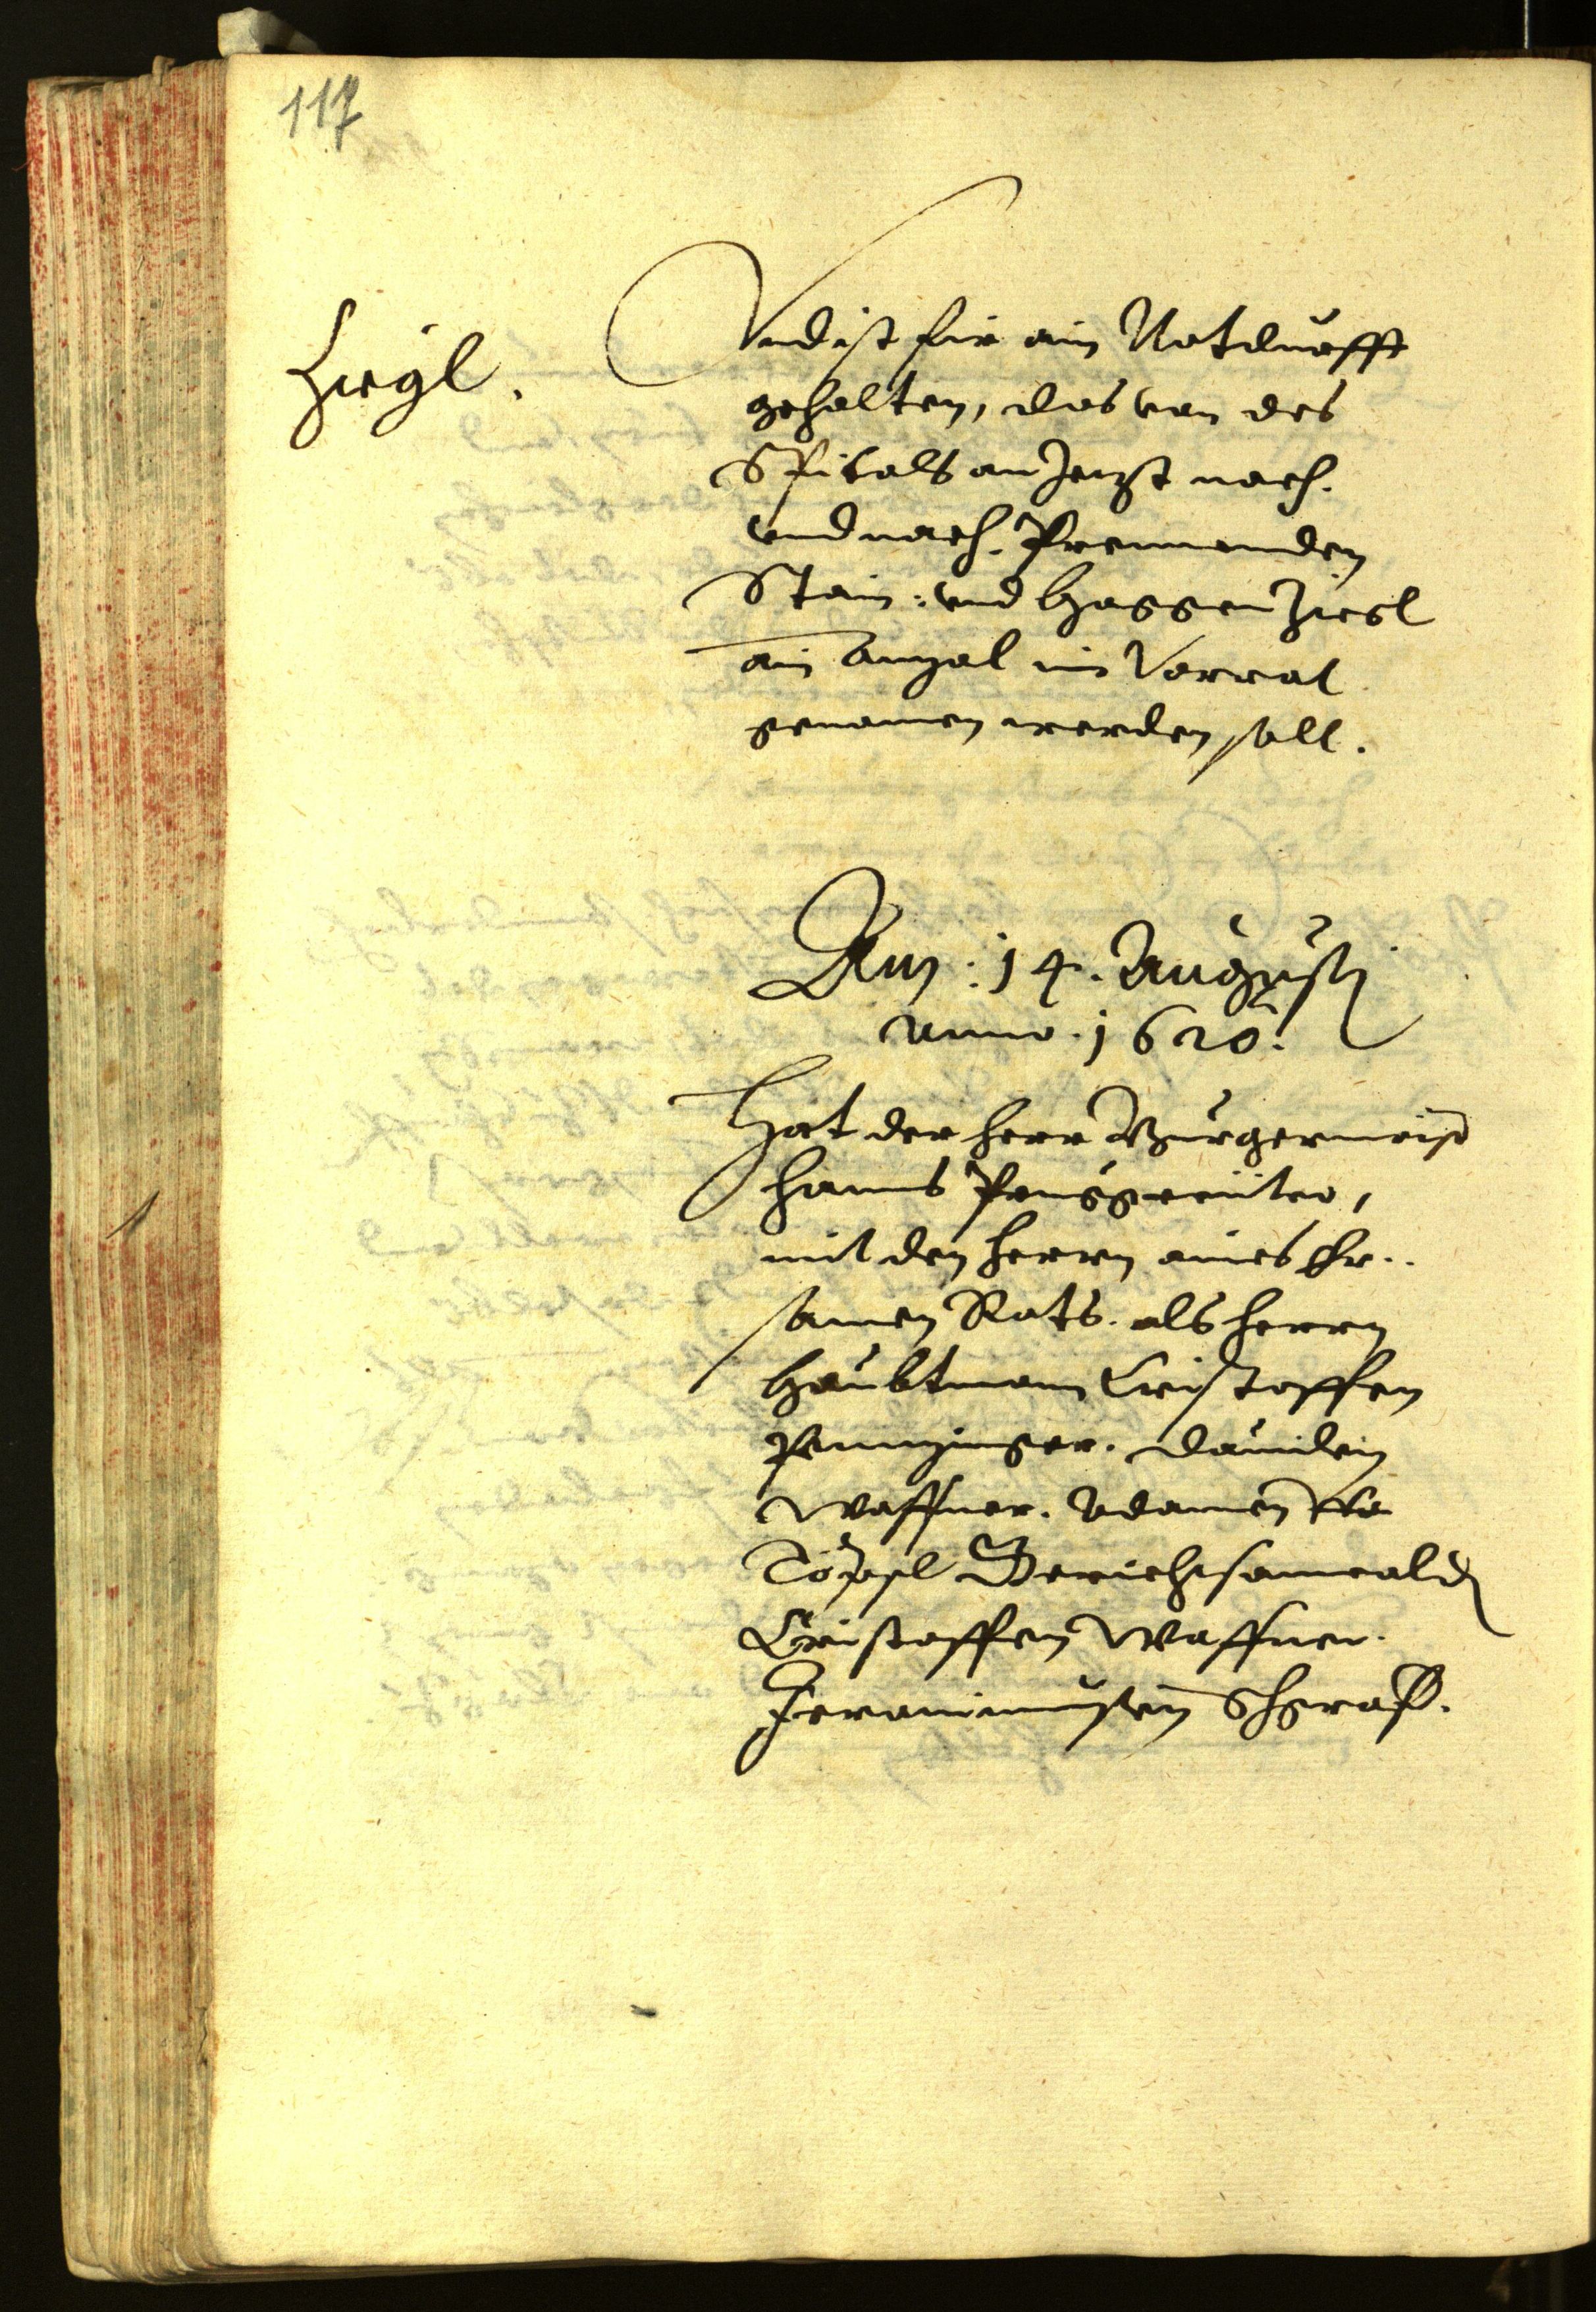117
Vnd ist fir ain Notdūrfft
Gehalten, das von des
SPitals an Jezt nach.
vnd nach Prennenden
Stain: vnd Haggen Ziegl
ain Anzal im Vorrat
genomen werden soll.
Ziegl.
Am: 14. Aūgūstj
Anno .1620.t
Hat der herr Būrgermaist
Hanns Prūggreüter,
mit den herrn aines Er¬
samen Rats. als herrn
Haūbtmann Cristoffen
Pennzinger. Daūiden
Waffner. Adamen Wa
TöPsl Gerichtsanwald
Cristoffen Waffner.
Jeronimūsen Schgraf.